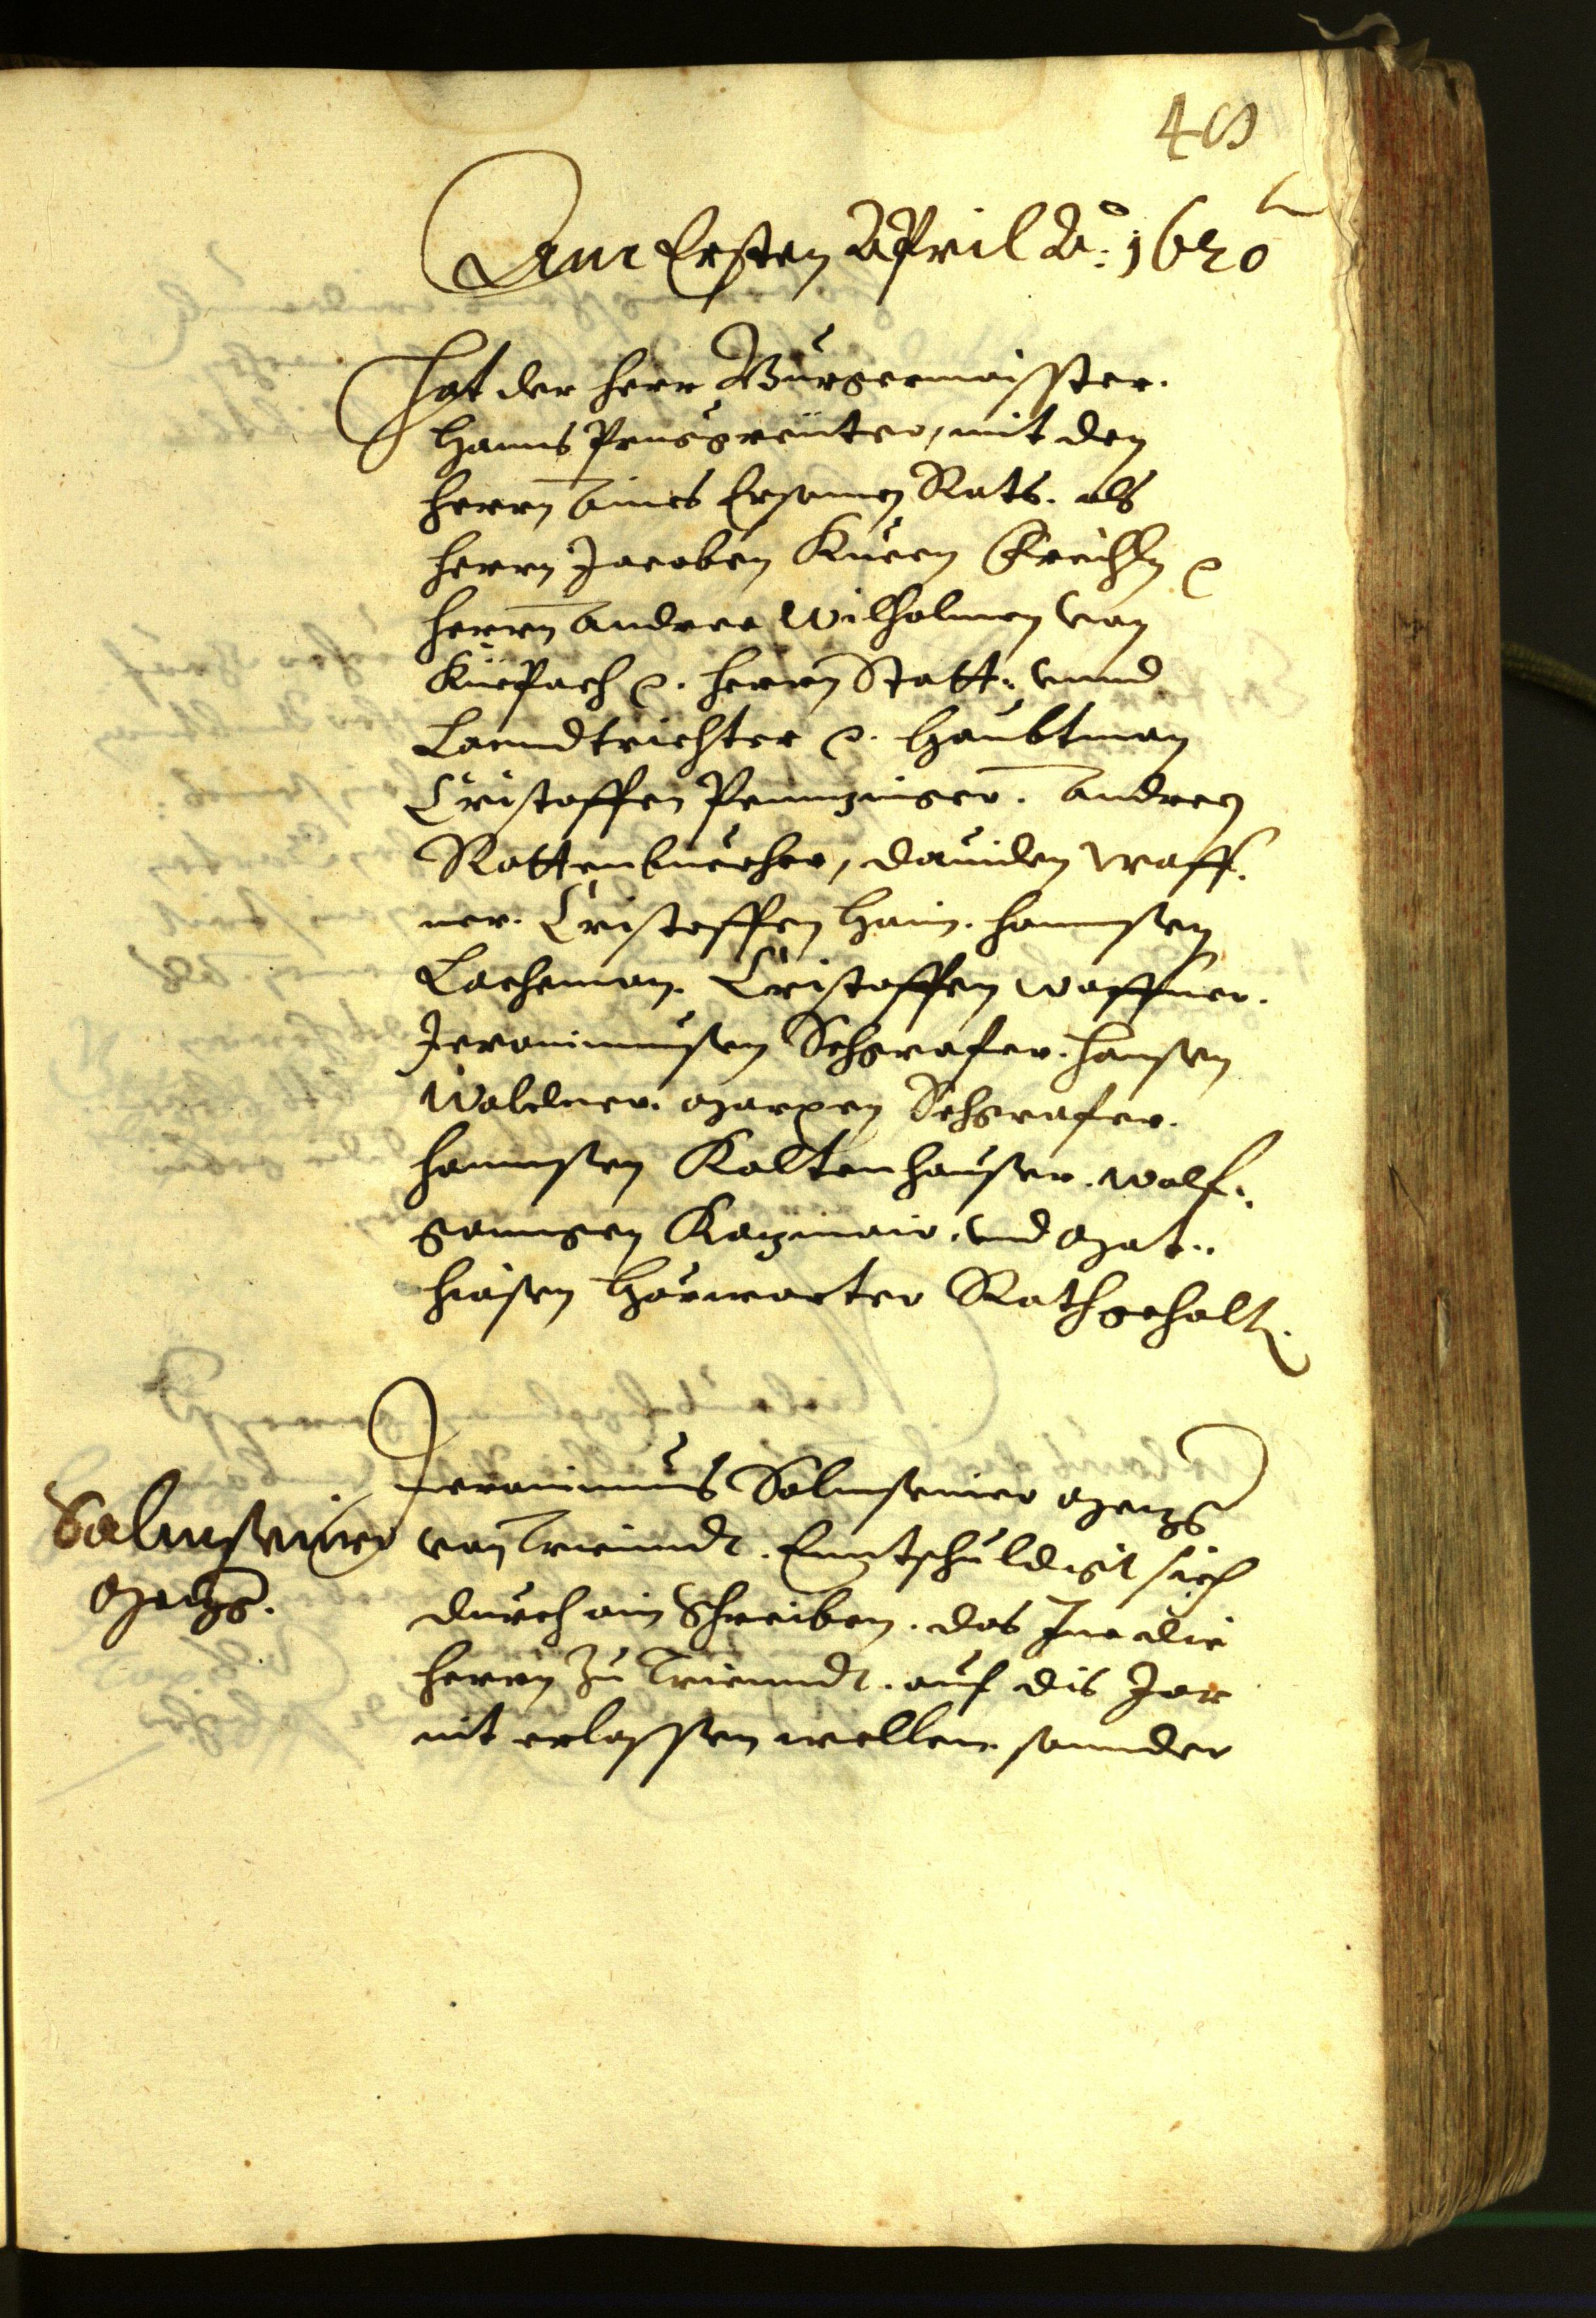48
Am Ersten APril Ao: 1620 t
hat der herr Būrgermaisster.
Hanns Prūggreüter, mit den
herrn Aines Ersamen Rats. als
herrn Jacoben Kūeen Freihn etc
herrn Andree Wilhalmen von
KüePach etc. herrn Statt: vnd
Lanndtrichter etc. Haūbtman
Cristoffen Pennzinger. Andren
Rottenbūecher, Daūiden Waff¬
ner. Cristoffen Haim. hannsen
Locheman. Cristoffen Waffner.
Jeronimūsen Schgrafer. hansen
Waldner. Marxen Schgrafer.
hannsen Kaltenhaūser. Wolf¬
ganngen Kazmair. vnd Mat¬
hiasen Hōrwarter Rat gehalt.
Jeronimūs Salmsteiner Mezg
von Trienndt. Entschūldigt sich
dūrch ain Schreiben. das Ine die
herrn Zū Trienndt. aūf dis Jar
nit erlassen wellen. sonnder
Salmsteiner
Mezg.